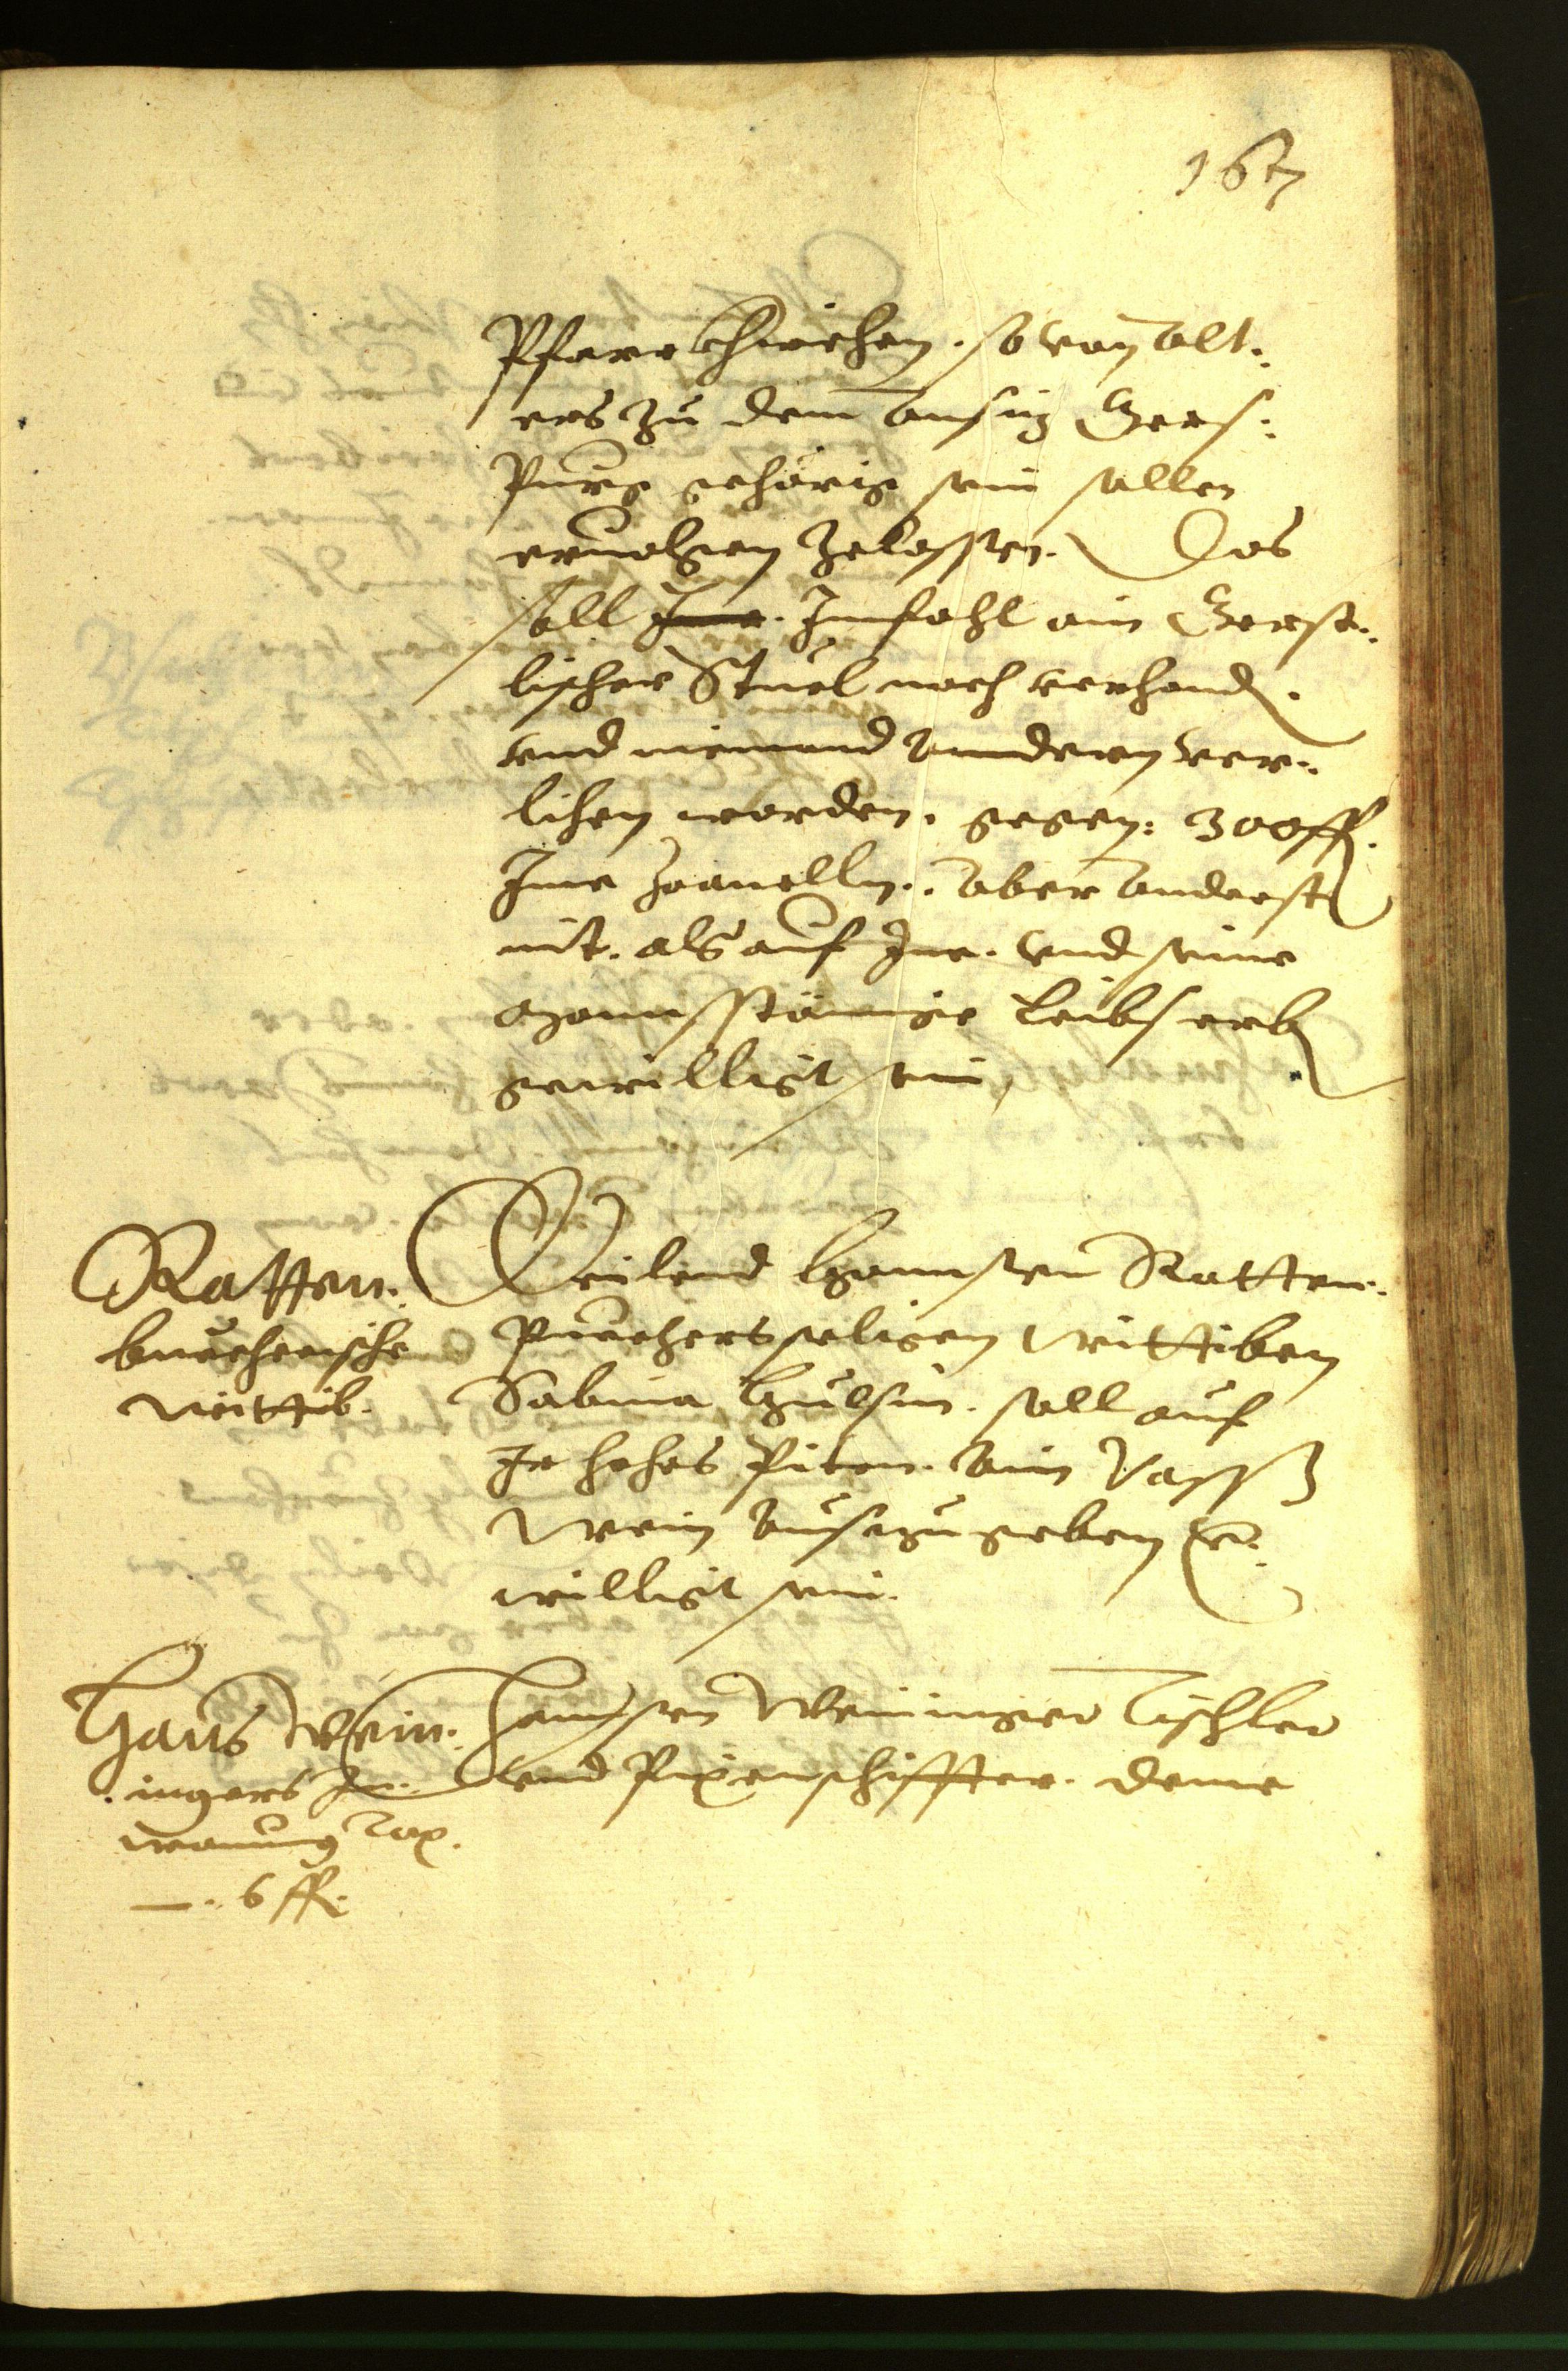167
Pfarrkhirchen. so von Alt¬
ers Zū dem Ansiz Gers¬
Pūrg gehörig sein sollen
erūolgen Zelassen. Das
soll Ime Innfahl ain Gerst¬
licher Stūel noch verhand.
vnd niemand Anndern ver¬
lihen worden. gegen: 300 fl.
Ime Zoanelln: aber Anderst
nit. als aūf Ine. vnd seine
Mannsstämige Leibserb
gewilligt sein,
Weilend Hannsen Rotten¬
Pūechers seligen wittiben
Sabina Hūlfin. soll aūf
Ir hohes Piten. Ain Vasß
Wein Aūszūgeben v¬
willigt sein.
Rotten¬
būecherische
wittib.
Hans Wein¬
ingers In¬
wonūng Tax.
—: 6 fl.
hannsen Weininger Tischler
vnd Pixenschiffter. deme